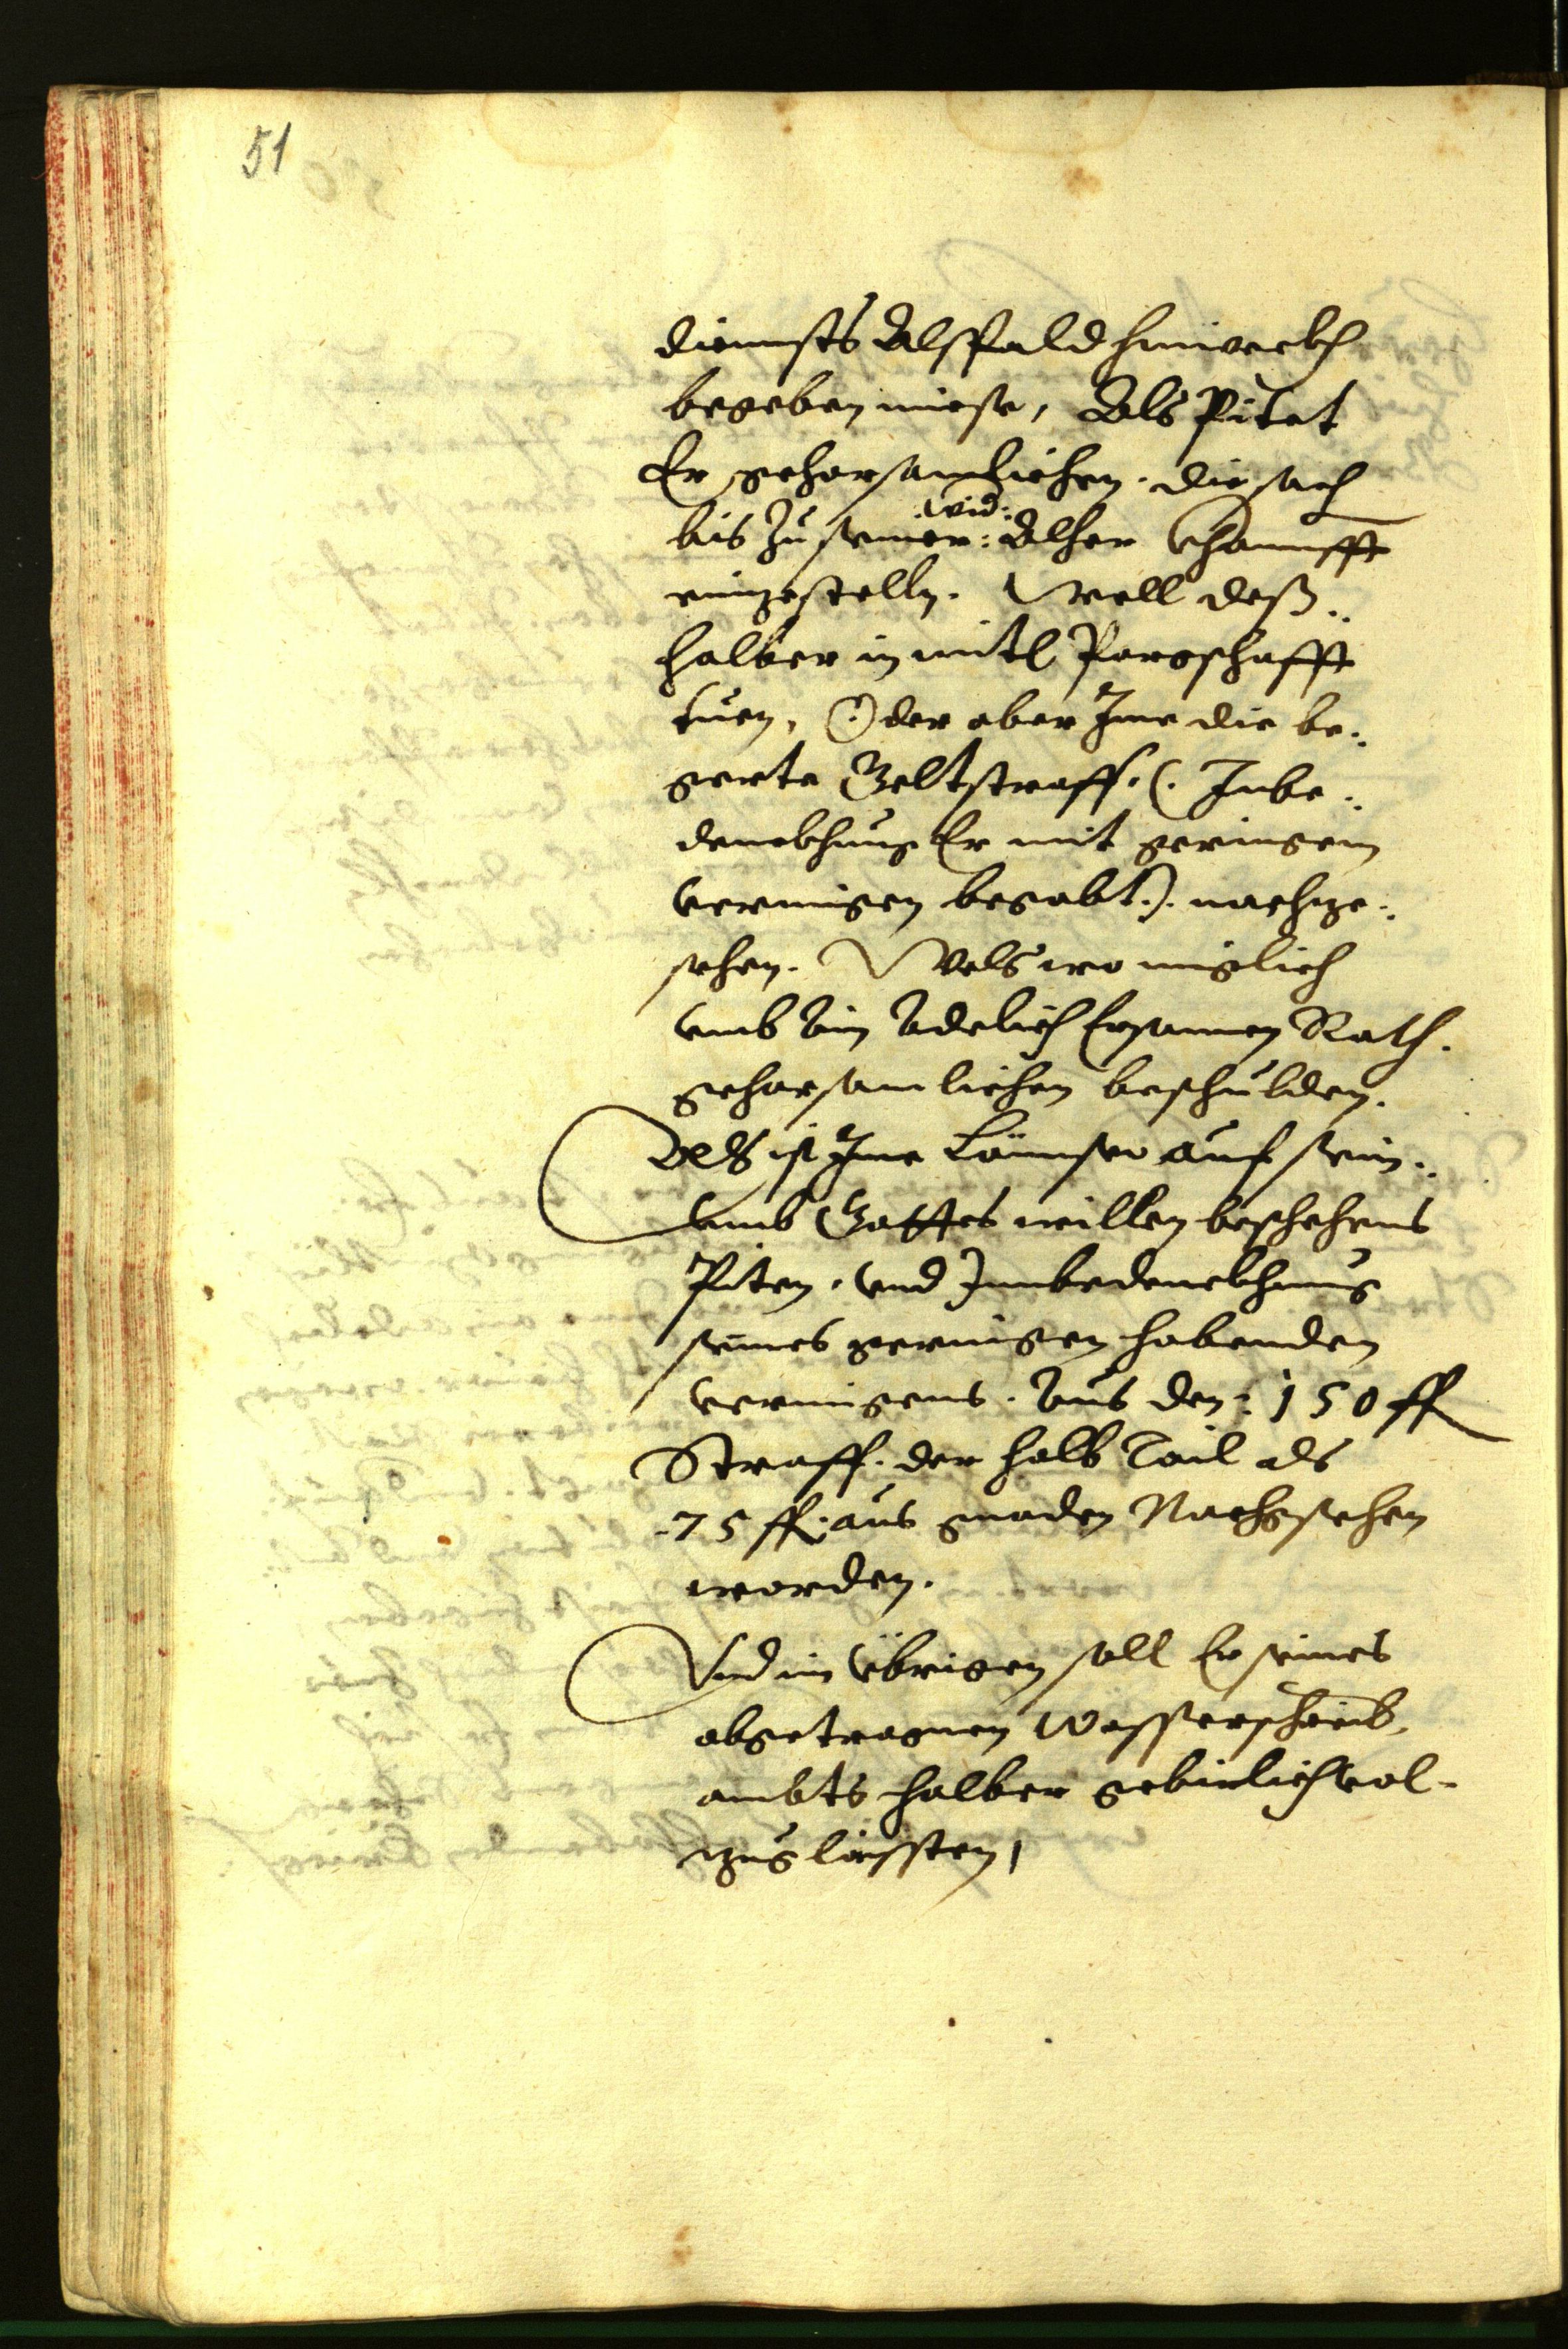51
diennsts Alspald hinweckh
begeben mūese, Als Pitet
Er gehorsamlichen. die sach
.wid:
bis Zū seiner : Alher Khonnfft
einzestelln. Well deß¬
halber in mitl Porgschafft
tūen, Oder aber Ime die be¬
gerte Geltstraff .(.Inbe¬
denckhūng Er mit geringem
vermigen begabt.). nachze¬
sehen. Wels wo miglich
vmb Ain Adelich Ersamen Rath.
gehorsamlichen beschūlden.
Als ist Ime Lännser aūf sein:
umb Gottes willen beschehens
Piten. vnd Innbedenckhūng
seines geringen habenden
vermigens. Aūs den: 150 fl
Straff. der halb Tail als
75 fl. aūs gnaden Nachgsehen
worden.
Vnd im v̈brigen soll Er seines
abgetragnen Wasserschreib¬
ambts halber gebirlich vol¬
zūg laissten,